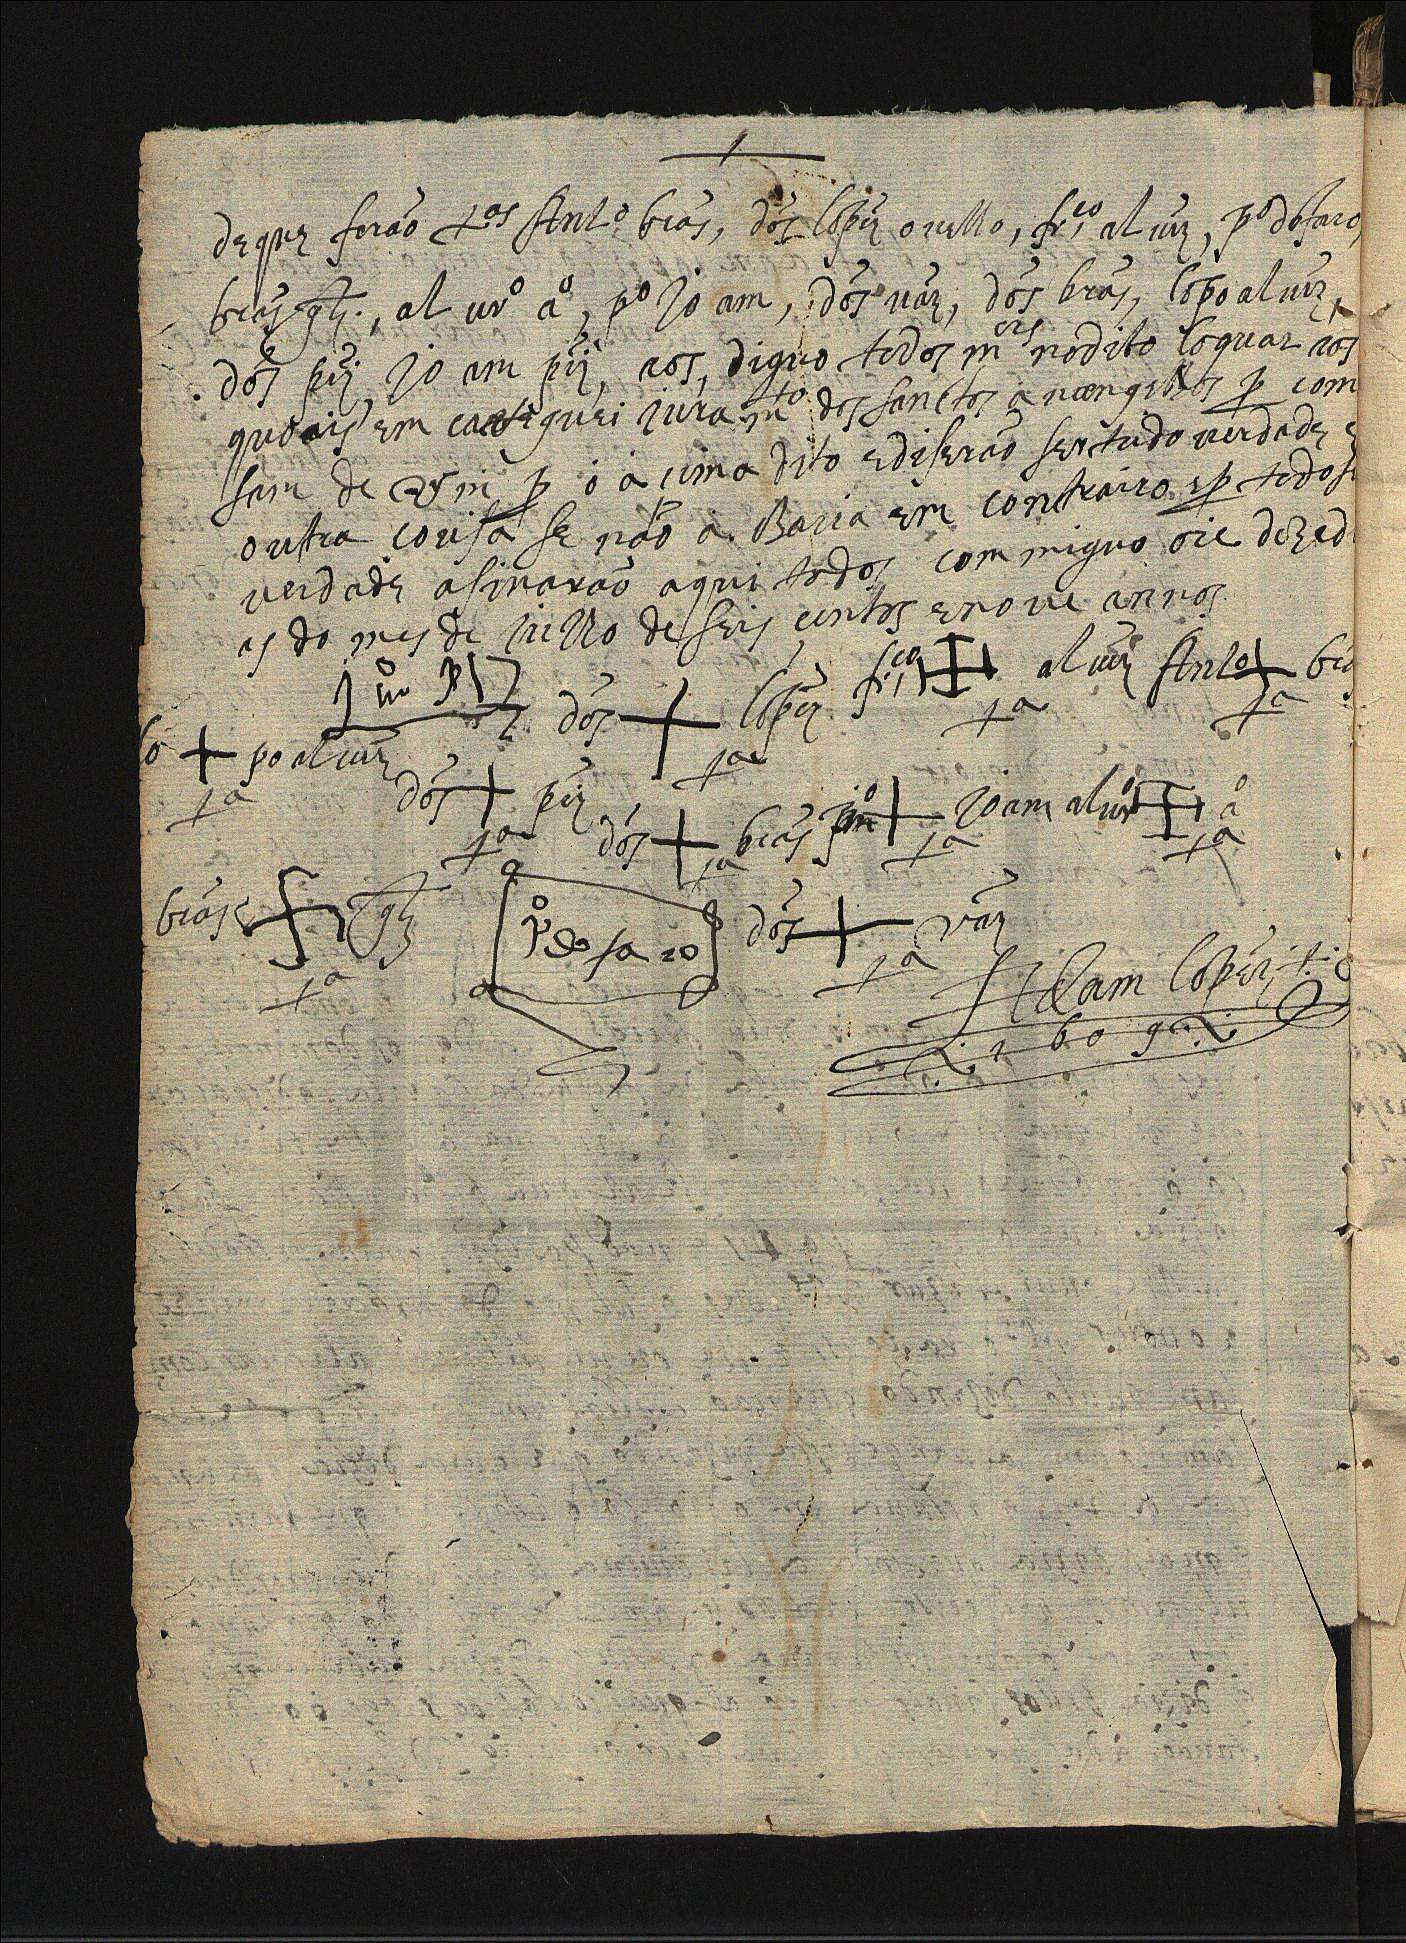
de que foraõ tas Anto bras, dōs lopēz o uelho, frco alur̄z, po do faro,
bras gl̄z., aluro ao, po Joam, dos̄ uāz, dōs bras, lopo aluēz,
dōs piz̄, Joam pīz, aos, diguo todos mors no dito loguar aos
quoais EmcaReguei iuramto dos sanctos auangelhos ꝑ com
sam de vm ꝑ o acima dito E diserão ser tudo uerdade e
outra cousa se naõ acharia Em contrairo e ꝑ todo s
uerdade asinaraõ aqui todos commiguo oie doze d
as do mes de Julho de seiscentos E noue annos
dōs
lopēz
frco
aluēz
Anto
bra
ta
jmo piz
ta
po aluez̄
ta
Ioam aluro
brās Jmo
pīz
dōs
ao
ta
ta
dōs
ta
ta
brās
ḡlz
vāz
dōs
Po do faro
Adam lopēz
ta
ta
1609
